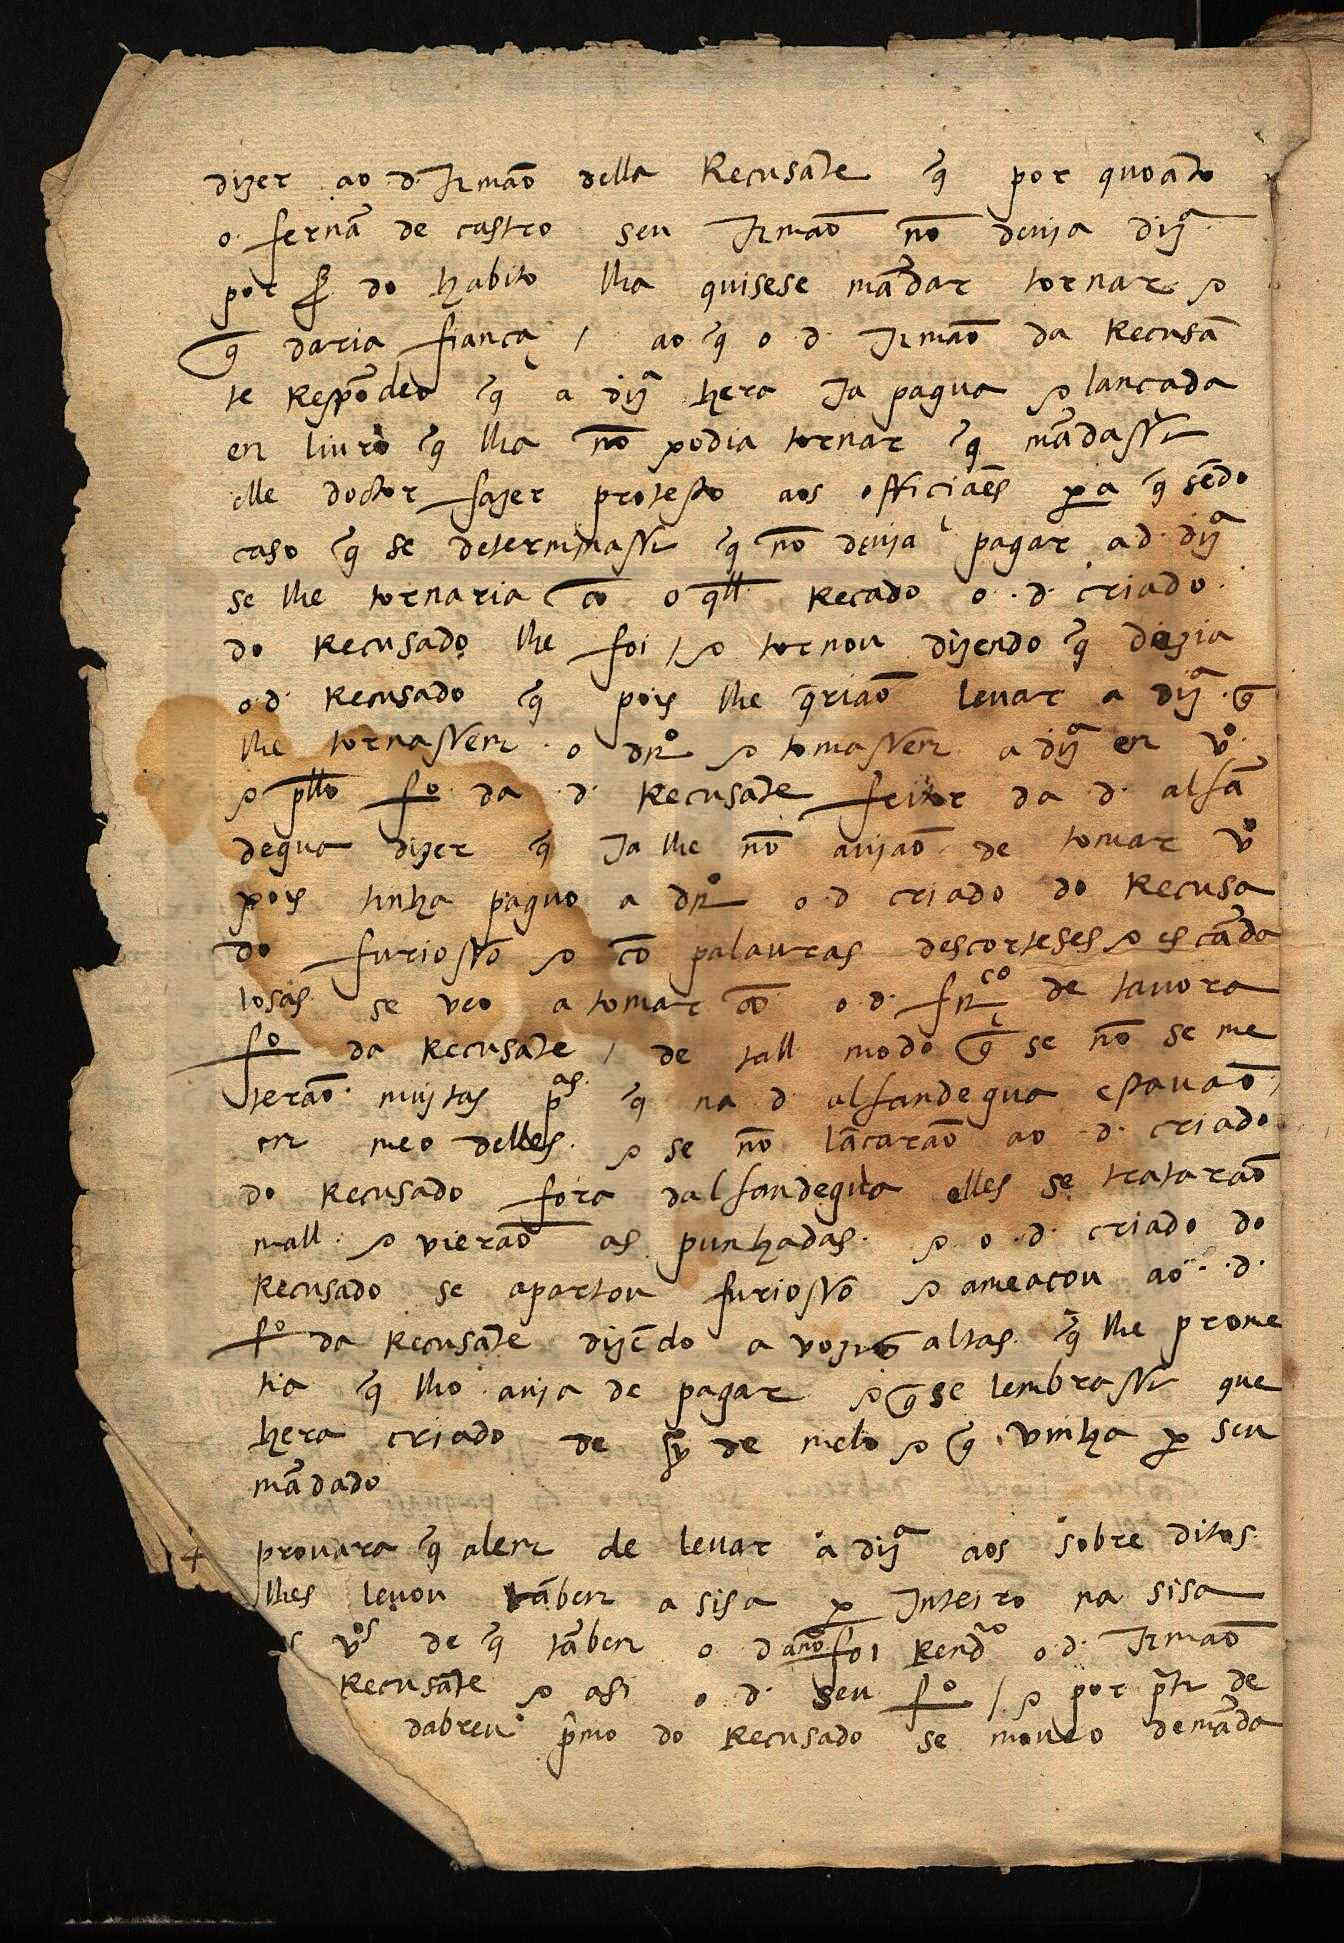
dizer ao d. Jrmão della Recusāte q̄ por quoāto
o fernā de castro seu Jrmão n̄o deuja diza
por ꞩ do habito lha quisese mādar tornar e
q̄ daria fiança / ao q̄ o d. Jrmão da Recusā
te Respodeo q̄ a diza hera Ja pagua e lançada
en liuro q̄ lhe n̄o podia tornar q̄ mādasse
elle doctor fazer protesto aos officiaes ꝑa q̄ sēdo
caso q̄ se determinasse q̄ n̄o deuja pagar a d. diza
se lhe tornaria c̄o o q̄ll recado o d. criado
do Recusado lhe foi / e tornou dizendo q̄ dezia
o d. Recusado q̄ pois lhe q̄rião leuar a diza. q̄
lhe tornassem o drro e tomassem a diza em vo.
e p̄llo fo da d. Recusāte feitor da d. alfā
degua dizer q̄ Ja lhe n̄o aujão de tomar vo
pois tinha paguo a drro o d criado do Recusa
do furiosso e c̄o palauras descorteses e escāda
losas se veo a tomar c̄o o d. frrco de tauora
fo da Recusāte / de tall modo q̄ se nō se me
terão mujtas pas. q̄ na d. alfandegua estauão
em meo delles. e se n̄o lāçarão ao d. criado
do Recusado fora dalfandegua elles se tratarão
mall. e vierão as punhadas. e o .d. criado do
Recusado se apartou furiosso e ameaçou ao d.
fo da Recusāte dizēdo a vozes altas q̄ lhe prome
tia q̄ lho auja de pagar e q̄ se lembrasse que
hera criado de yo de melo e q̄ vinha ꝑ seu
mādado
prouara q̄ alem de leuar a diza aos sobreditos.
lhes leuou tābem a sisa ꝑ Jnteiro na sisa
vos de q̄ tābem o d an̄o foi Rendro o d. Jrmão
Recusāte e asi o d. seu fo / e por p̄te de
dabreu p̄mo do Recusado se moueo demāda
